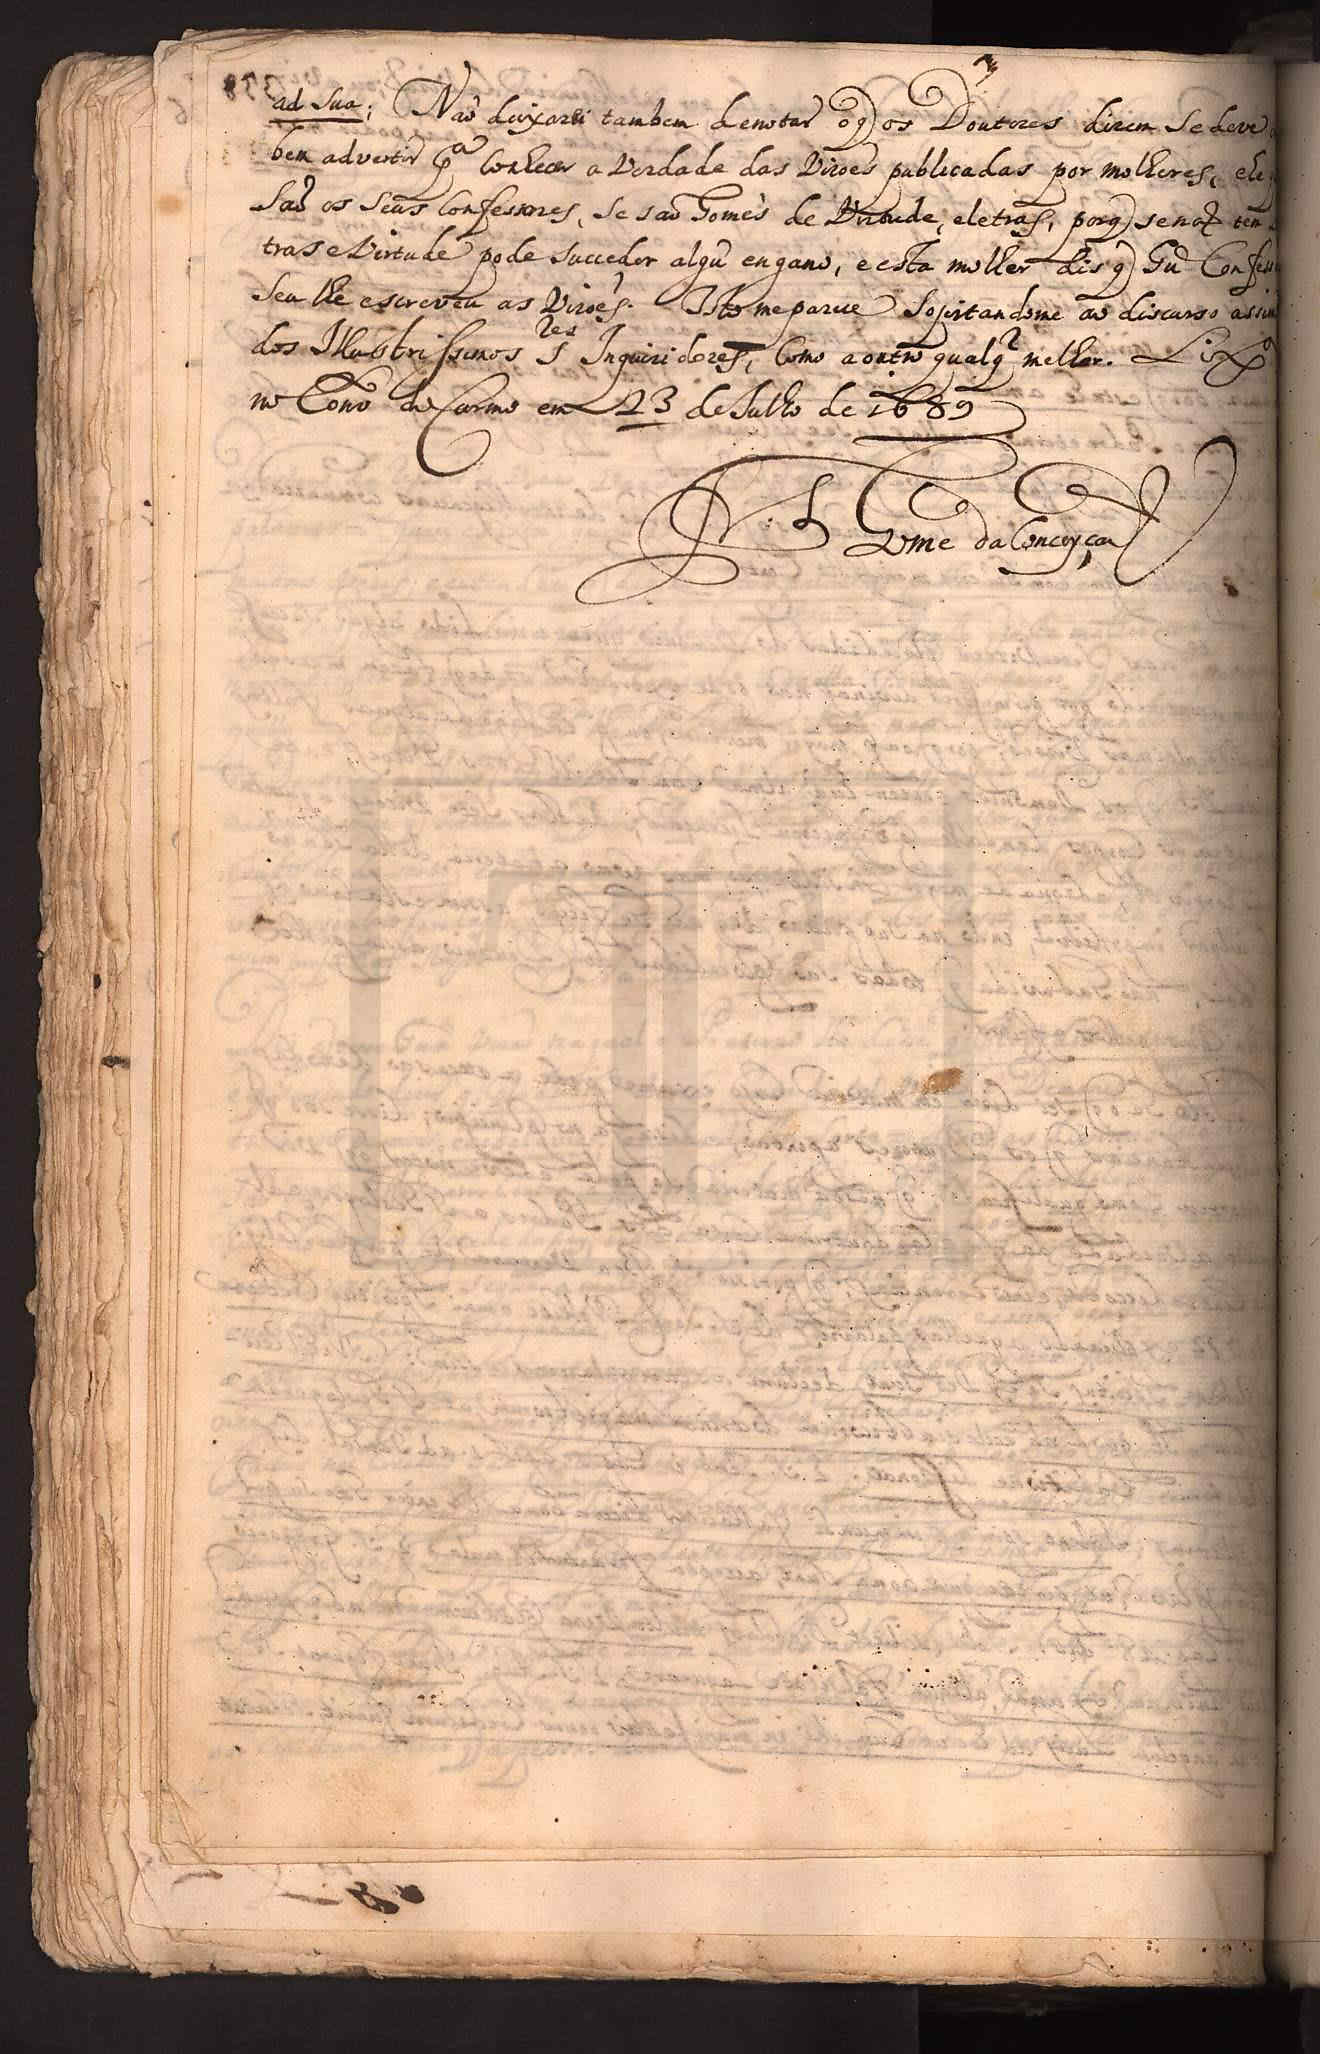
ad sua. Naõ deixarei tambem de notar o q̄ os Doutores dizem se deve
bem advertir pa conhecer a verdade das Vizoẽs publicadas por molheres, e he
saõ os seus Confessores, se saõ homēs de Virtude, e letras, porq̄ se naõ tem
tras e Virtude pode succeder algū engano, e esta molher dis q̄ hū Confe
seu lhe escreveu as Vizoẽs. Isto me parece sojeitandome ao discurso assi
dos Illustrissimos S.res Inquizidores, Como a outro qualqr melhor. Lixa
no Conv.to do Carmo em 23 de Iulho de 1689
fr Thome da Conceyçaõ
